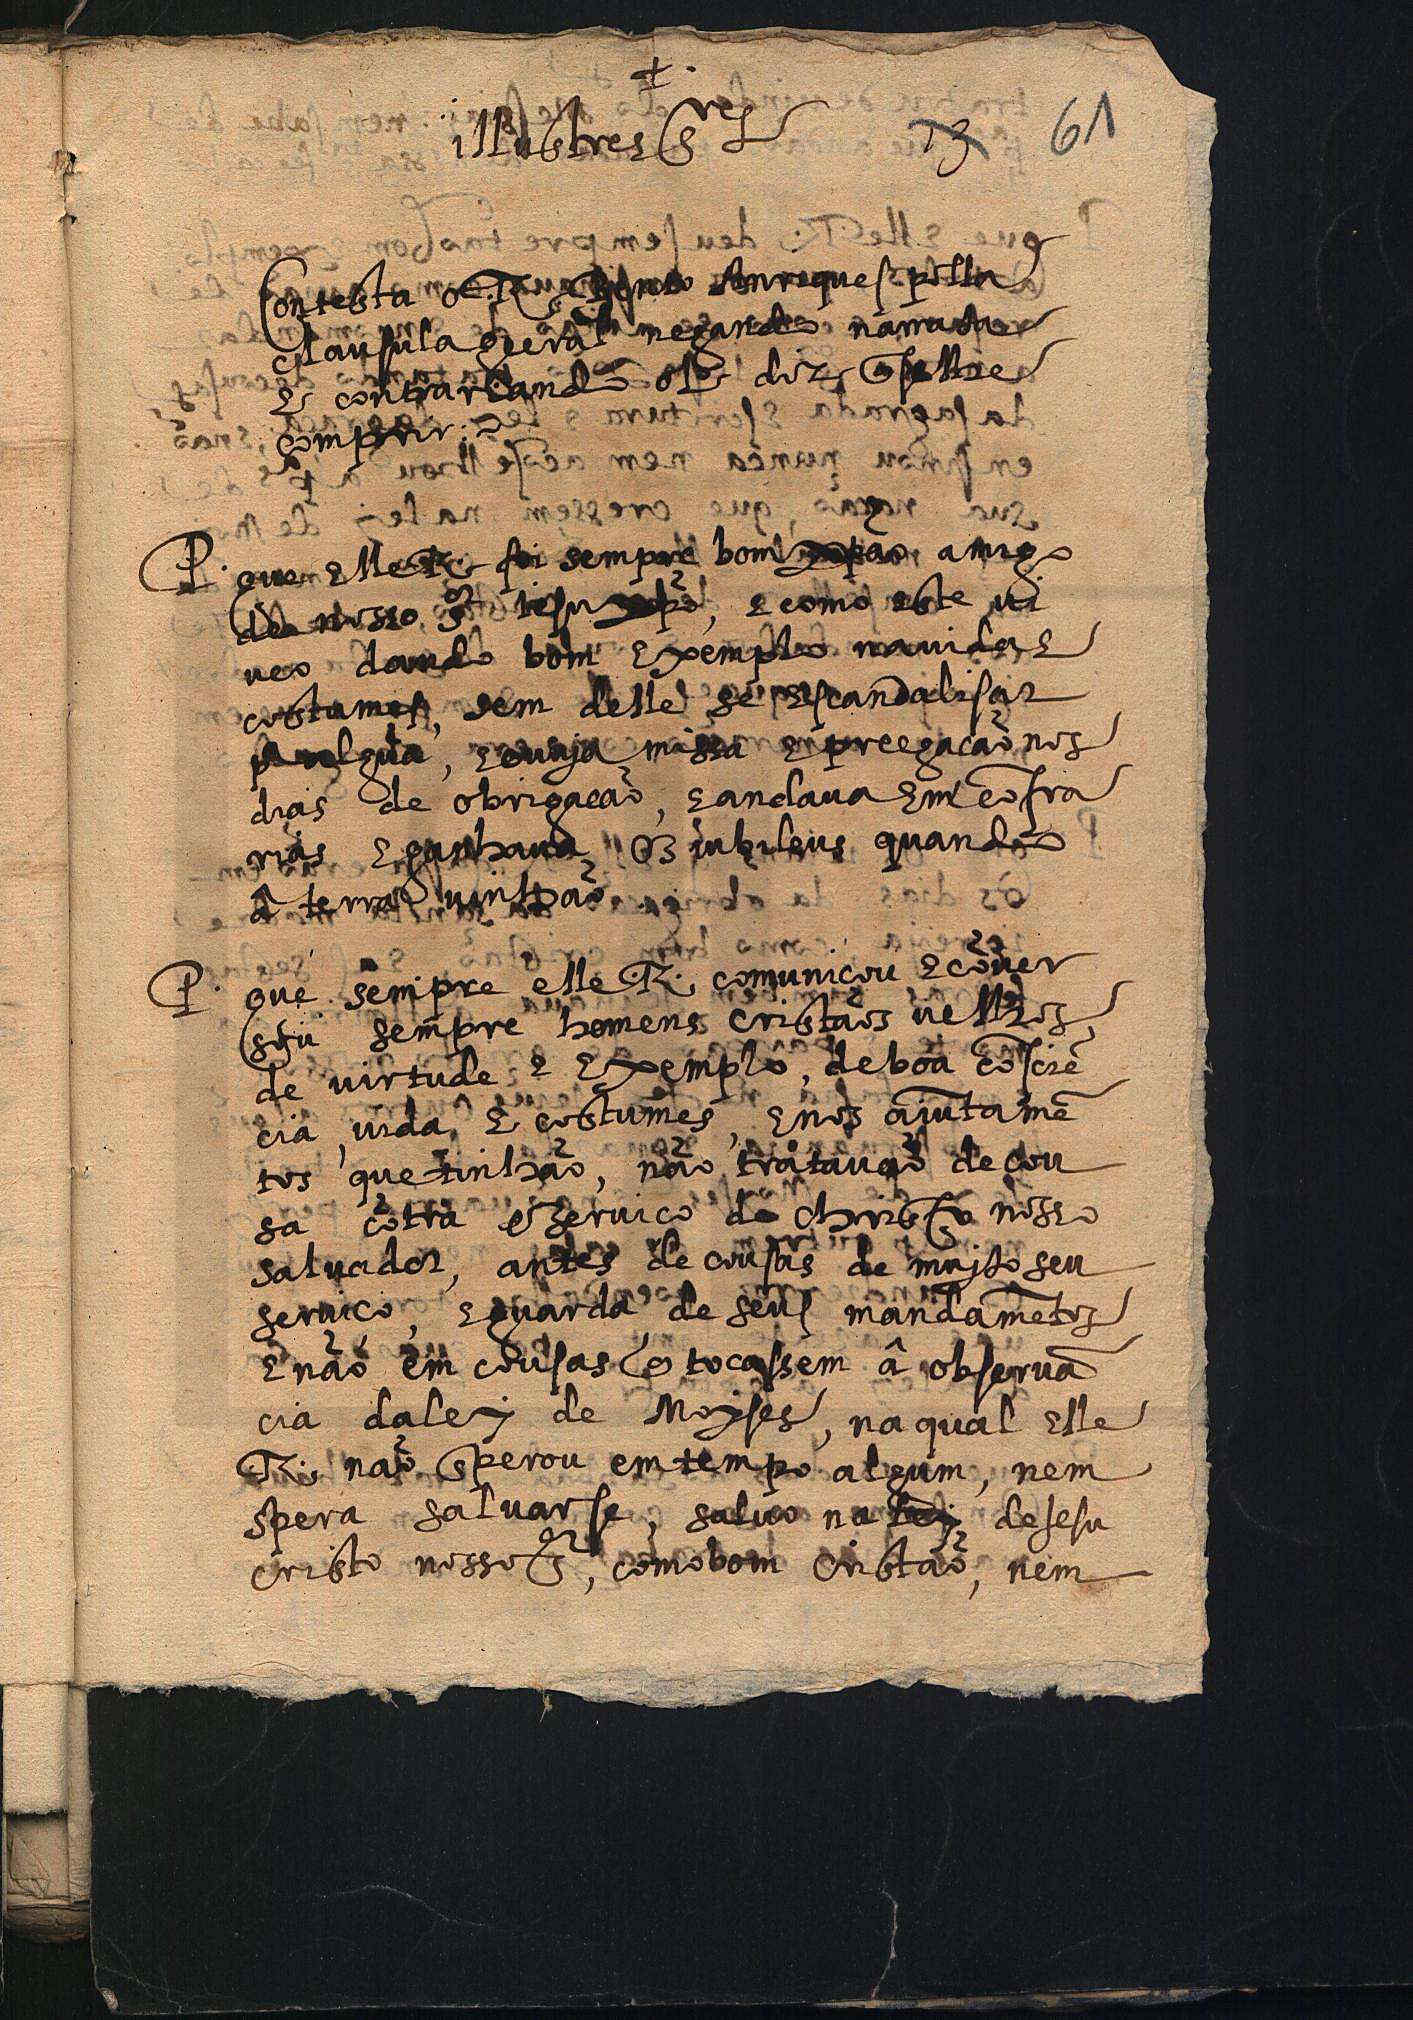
illustres Sres
Contesta o .R. Bento Anriques polla
clausula geeral negando na mata
E contrariando o Lo diz q̄ se lhe
comprir:
P. que Elle R. foi sempre bom xpão amigo
de nosso sor iesu xpō, E como este ui
ueo damdo bom Exemplo na vida E
costumes, sem delle se Escandalisar
pa algūa, E ouuja missa E preegaçaõ nos
dias de obrigaçaõ, E andaua Em cōfra
rias E ganhaua os iubileus quando
â terra uinhaõ.
P. que sempre elle .R. comunicou E cōuer
sou sempre homens cristaõs uelhos
de uirtude E Exemplo, de boa cōsciē
cia, uida E costumes, E nos aiūtamē
tos que tinhão, não tratauaõ de cou
sa cōtra e seruiço de christo nosso
Saluador, antes de cousas de mujto seu
seruiço, E guarda de seus mandamētos
E não em cousas q̄ tocassem â obseruā
cia da ley de Moyses, na qual Elle
R. naõ sperou em tempo algum, nem
spera saluarse, saluo na ley de Jesu
cristo nosso sor, como bom cristaõ, nem
